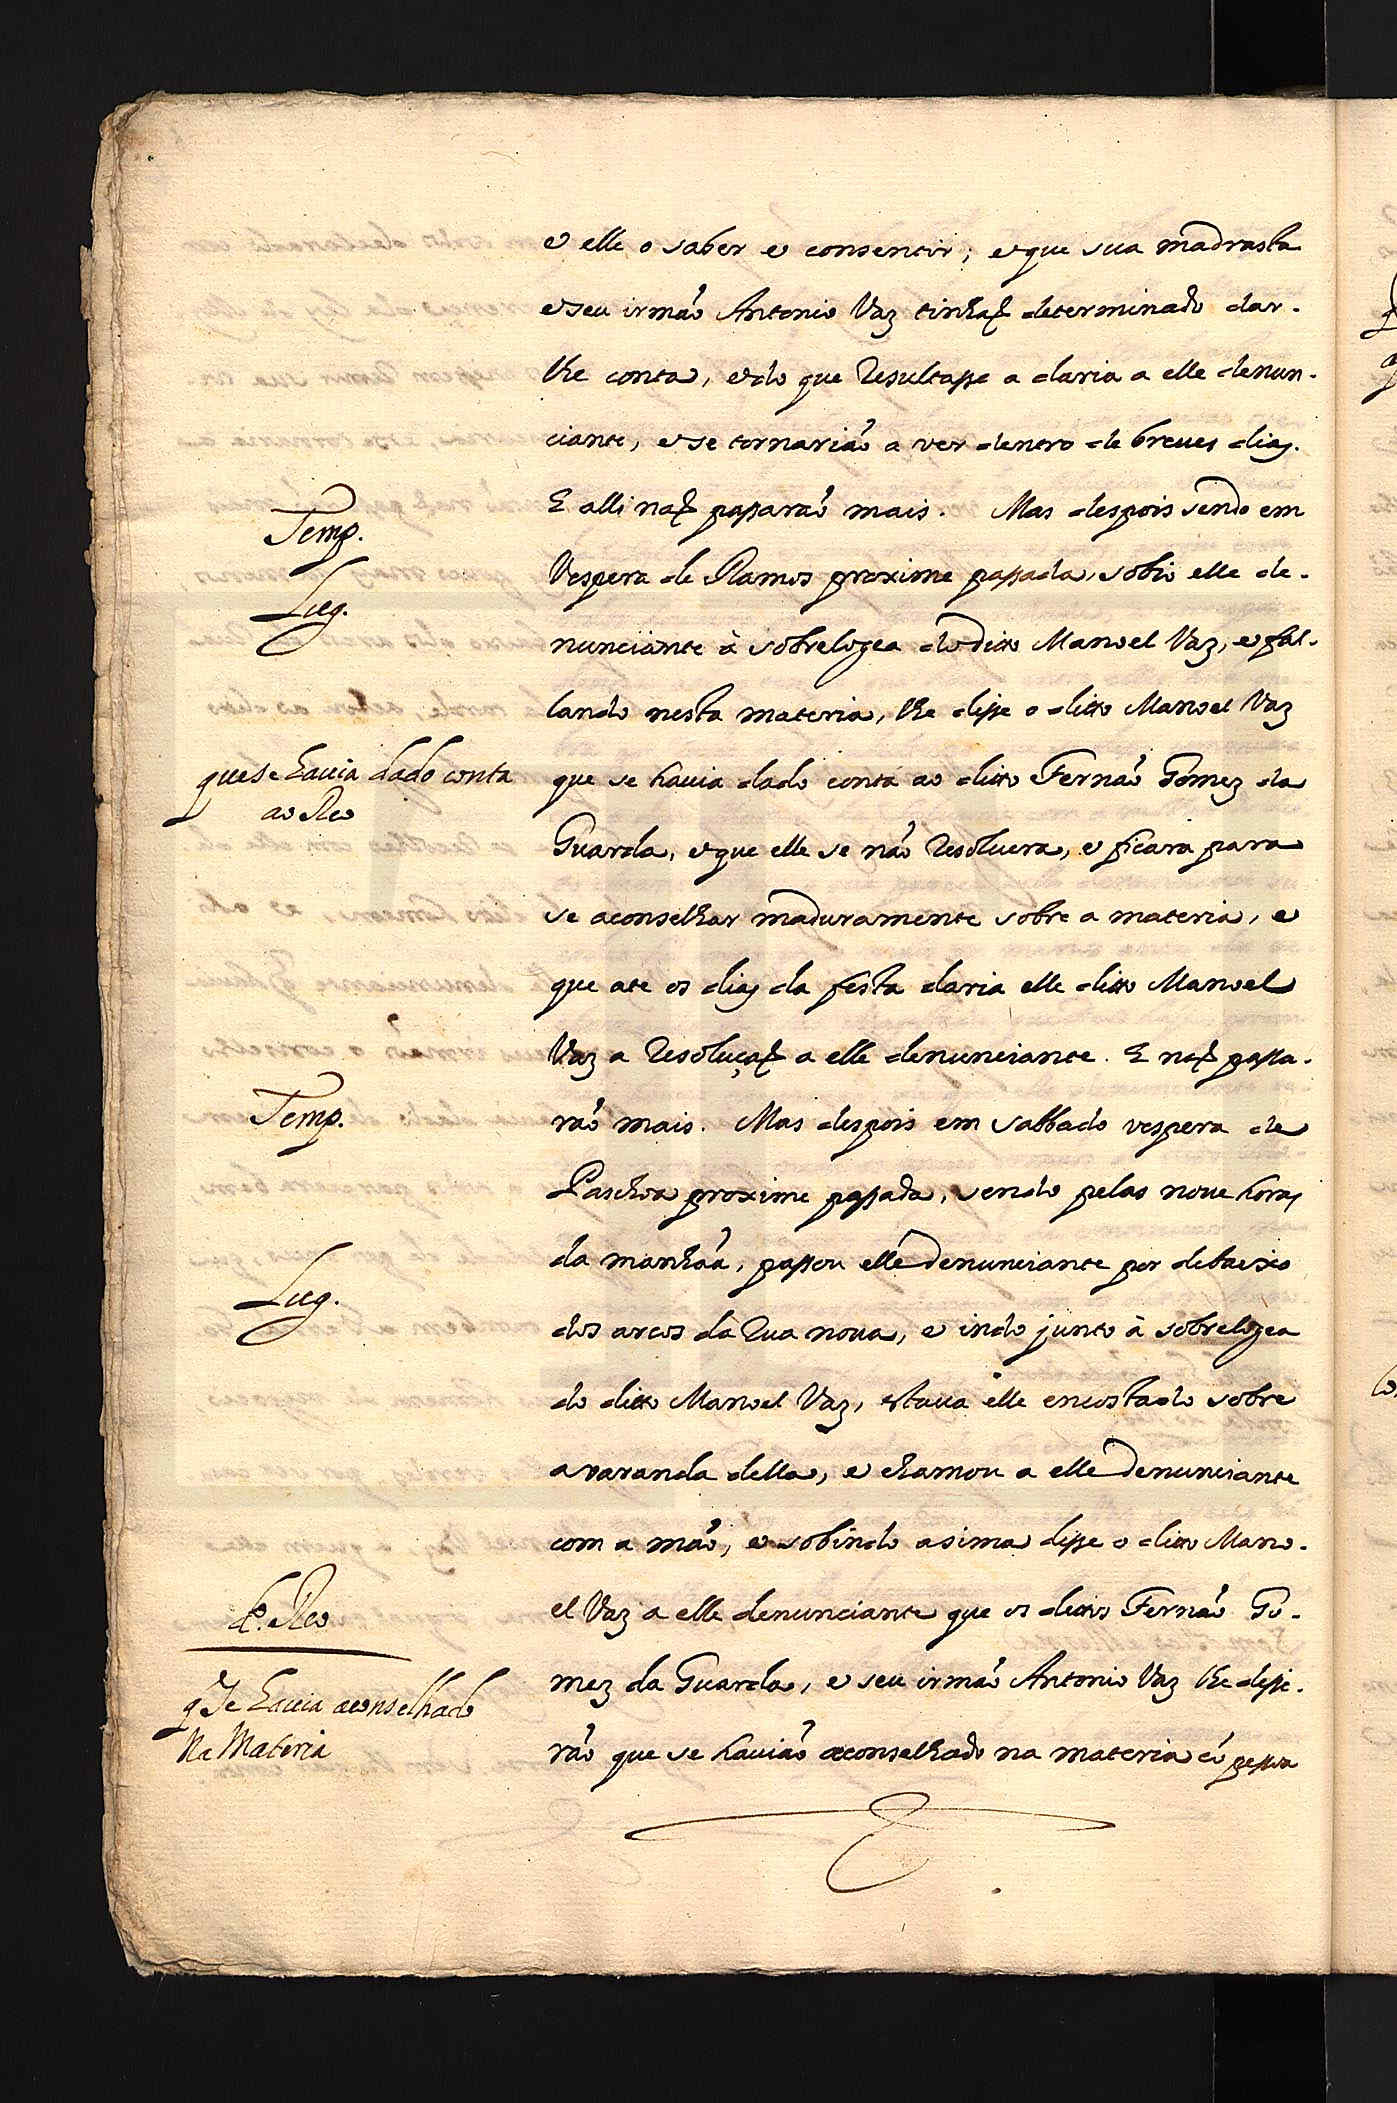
e elle o saber e consentir; e que sua madrasta
e seu irmaõ Antonio Vaz tinhaõ determinado dar
lhe conta, e do que Resultasse a daria a elle denun
ciante, e se tornariaõ a ver dentro de breues dias.
E alli naõ passaraõ mais. Mas despois sendo em
Vespera de Ramos proxime passada sobio elle de
nunciante à sobrelogea do ditto Manoel Vaz, e fal
lando nesta materia, lhe disse o ditto Manoel Vaz
que se hauia dado conta ao ditto Fernaõ Gomez da
Guarda, e que elle se naõ Resoluera, e ficara para
se aconselhar maduramente sobre a materia, e
que ate os dias da festa daria elle ditto Manoel
Vaz a Resolução a elle denunciante. E naõ passa
raõ mais. Mas despois em sabbado vespera de
Paschoa proxime passada, sendo pelas noue horas
da manhaã, passou elle denunciante por debaixo
dos arcos da Rua noua, e indo junto à sobrelogea
do ditto Manoel Vaz, estaua elle encostado sobre
a varanda della, e chamou a elle denunciante
com a maõ, e sobindo asima disse o ditto Mano
el Vaz a elle denunciante que os dittos Fernaõ Go
mez da Guarda, e seu irmaõ Antonio Vaz lhe disse
raõ que se hauião aconselhado na materia cō pessoa
